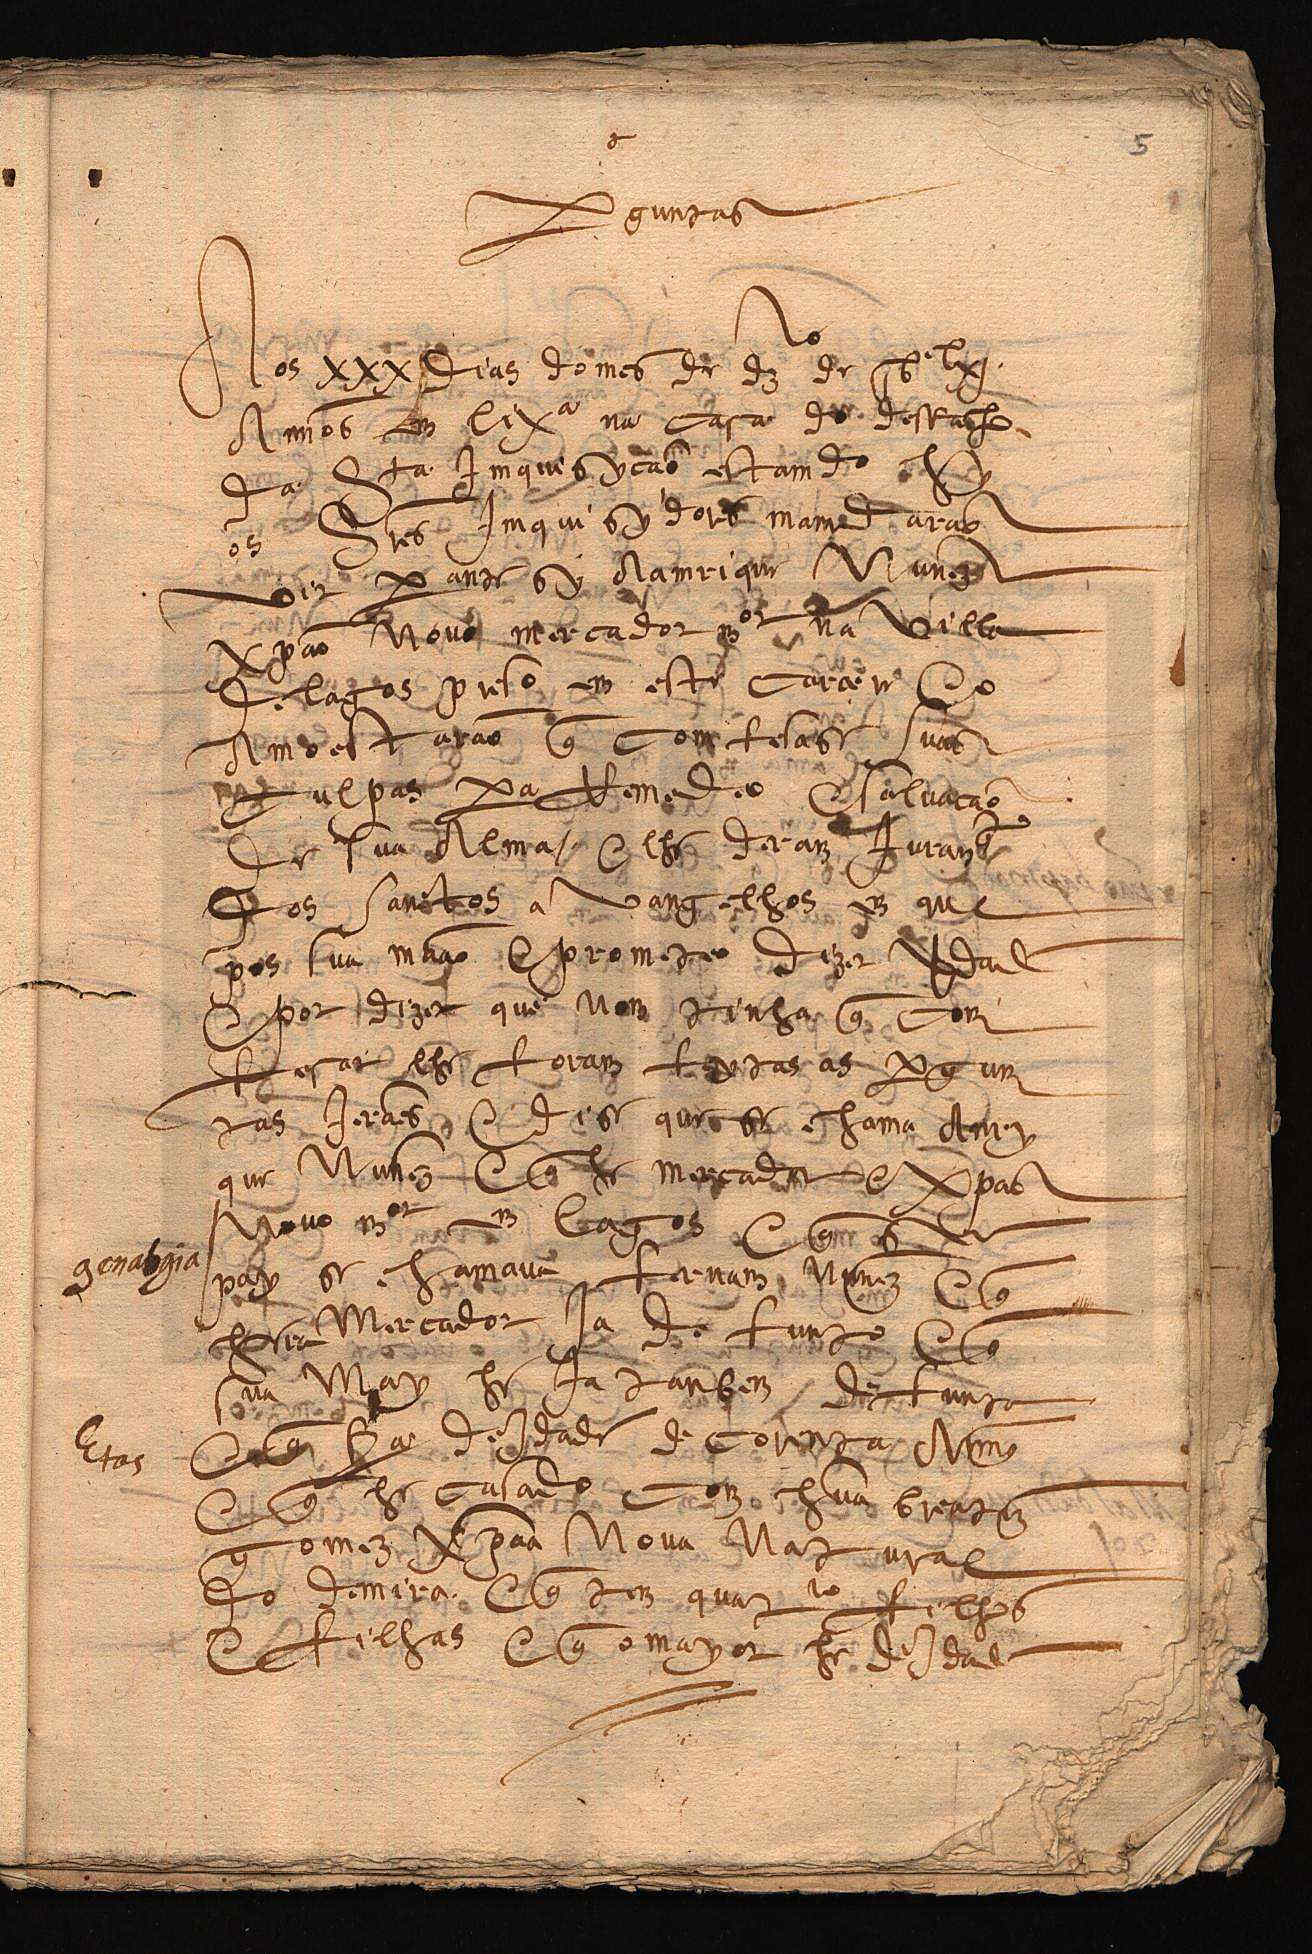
genalogia
Etas
ꝑguntas
Aos xxx dias do mes de dzro de j̄bclxj.
Annōs em lixa na Casa do despacho
da Sta Jmquisyçaõ estamdo hy
os Sr̄es Jmquisydores mamdaraõ
vir ꝑante sy A amrique Nun̄ez
Xpão Nouo mercador mor na Villa
de lagos preso em este Carcere e o
Amoestarão q̄ Comfesase Suas
Culpas ꝑa Remedeo e saluaçaõ
de sua Alma /. e lhe deram Juramto
dos Sanctos avangelhos em que
pos sua mãao e prometeo dizer Ꝟdade
e por dizer que nom tinha q̄ Com
fesar lhe foram feytas as ꝑgum
tas Jerāes e dise que se chama Anry
que Nun̄ez e q̄ he mercador e Xpaõ
Nouo mor em lagos e q̄ seo
pay se chamaua fernam Nun̄ez e q̄
hera Mercador Ja defunto e q̄
sua may he Ja tanbem defunta
e q̄ ꞩa de Jdade de Corenta An̄nꝯ
e q̄ he Casado Com hūa breatiz
gomez Xp̄aa Noua Natural
dodemira e q̄ tem quatro filhos
e filhas e q̄ o mayor he de Jdade
